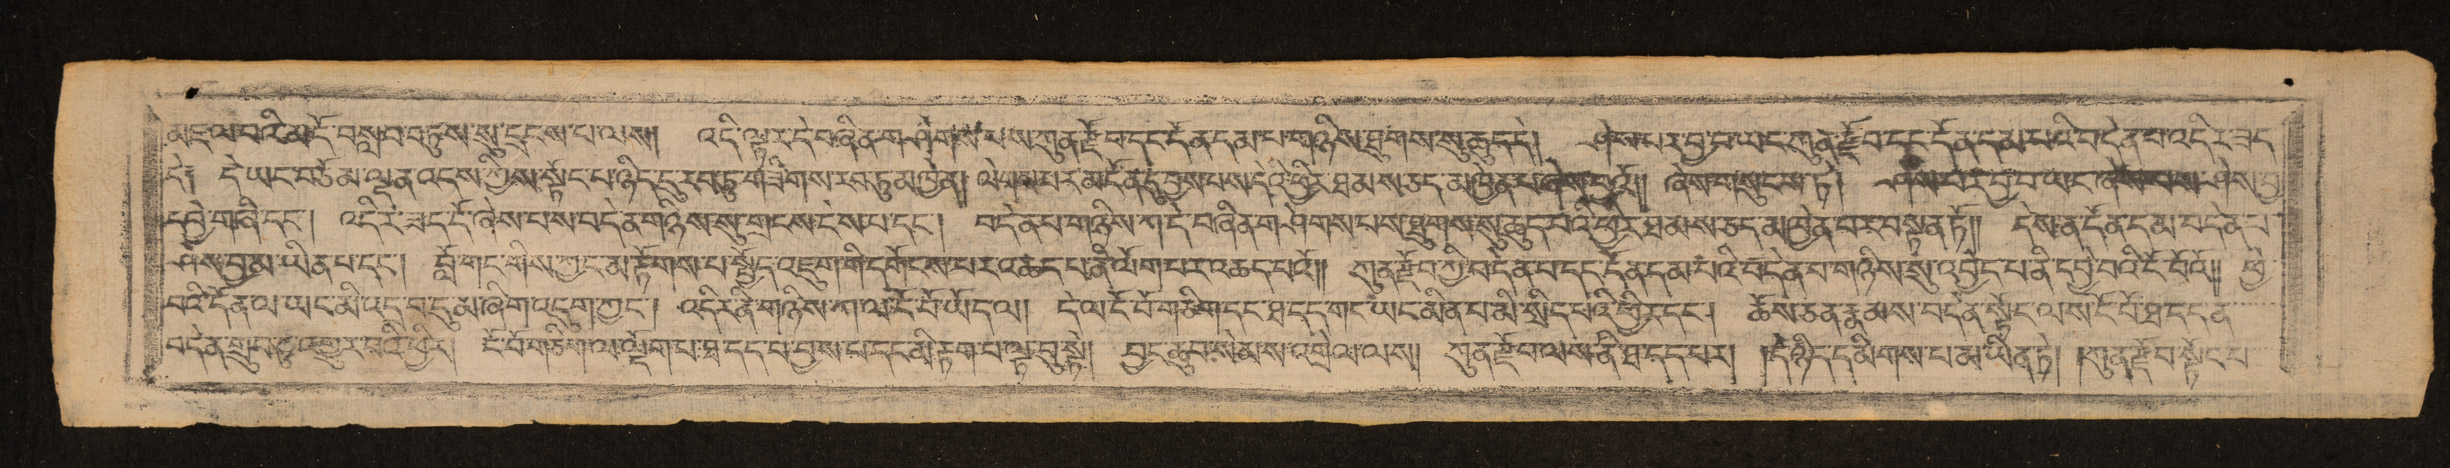མཇལ་བའི་མདོ་བསླབ་བཏུས་སུ་དྲངས་པ་ལས། འདི་ལྟར་དེ་བཞིན་གཤེགས་པས་ཀུན་རྫོབ་དང་དོན་དམ་པ་གཉིས་ཐུགས་སུ་ཆུད་དེ། ཤེས་པར་བྱ་བ་ཡང་ཀུན་རྫོབ་དང་དོན་དམ་པའི་བདེན་པ་འདིར་ཟད་
དེ། དེ་ཡང་བཅོམ་ལྡན་འདས་ཀྱིས་སྟོང་པ་ཉིད་དུ་རབ་ཏུ་གཟིགས་རབ་ཏུ་མཁྱེན། ལེགས་པར་མངོན་དུ་བྱས་པས་དེའི་ཕྱིར་ཐམས་ཅད་མཁྱེན་པ་ཞེས་བྱའོ།། ཞེས་གསུངས་ཏེ། ཤེས་པར་བྱ་བ་ཡང་ཞེས་པས་ཤེས་བྱ་
དབྱེ་གཞི་དང་། འདིར་ཟད་དོ་ཞེས་པས་བདེན་གཉིས་སུ་གྲངས་ངེས་པ་དང་། བདེན་པ་གཉིས་ཀ་དེ་བཞིན་གཤེགས་པས་ཐུགས་སུ་ཆུད་པའི་ཕྱིར་ཐམས་ཅད་མཁྱེན་པར་བསྟན་ཏོ།། དེས་ན་དོན་དམ་བདེན་པ་
ཤེས་བྱ་མ་ཡིན་པ་དང་། བློ་གང་གིས་ཀྱང་མ་རྟོགས་པ་སྤྱོད་འཇུག་གི་དགོངས་པར་འཆད་པ་ནི་ལོག་པར་འཆད་པའོ།། ཀུན་རྫོབ་ཀྱི་བདེན་པ་དང་དོན་དམ་པའི་བདེན་པ་གཉིས་སུ་འབྱེད་པ་ནི་དབྱེ་པའི་ངོ་བོའོ།། ཕྱེ་
བའི་དོན་ལ་ཡང་མི་འདྲ་བ་དུ་མ་ཞིག་འདུག་ཀྱང་། འདིར་ནི་གཉིས་ཀ་ལ་ངོ་བོ་ཡོད་ལ། དེ་ལ་ངོ་བོ་གཅིག་དང་ཐ་དད་གང་ཡང་མིན་པ་མི་སྲིད་པའི་ཕྱིར་དང་། ཆོས་ཅན་རྣམས་བདེན་སྟོང་ལས་ངོ་བོ་ཐ་དད་ན་
བདེན་གྲུབ་ཏུ་འགྱུར་བའི་ཕྱིར། ངོ་བོ་གཅིག་ལ་ལྡོག་པ་ཐ་དད་པ་བྱས་པ་དང་མི་རྟག་པ་ལྟ་བུ་སྟེ། བྱང་ཆུབ་སེམས་འགྲེལ་ལས། ཀུན་རྫོབ་ལས་ནི་ཐ་དད་པར། །དེ་ཉིད་དམིགས་པ་མ་ཡིན་ཏེ། །ཀུན་རྫོབ་སྟོང་པ་